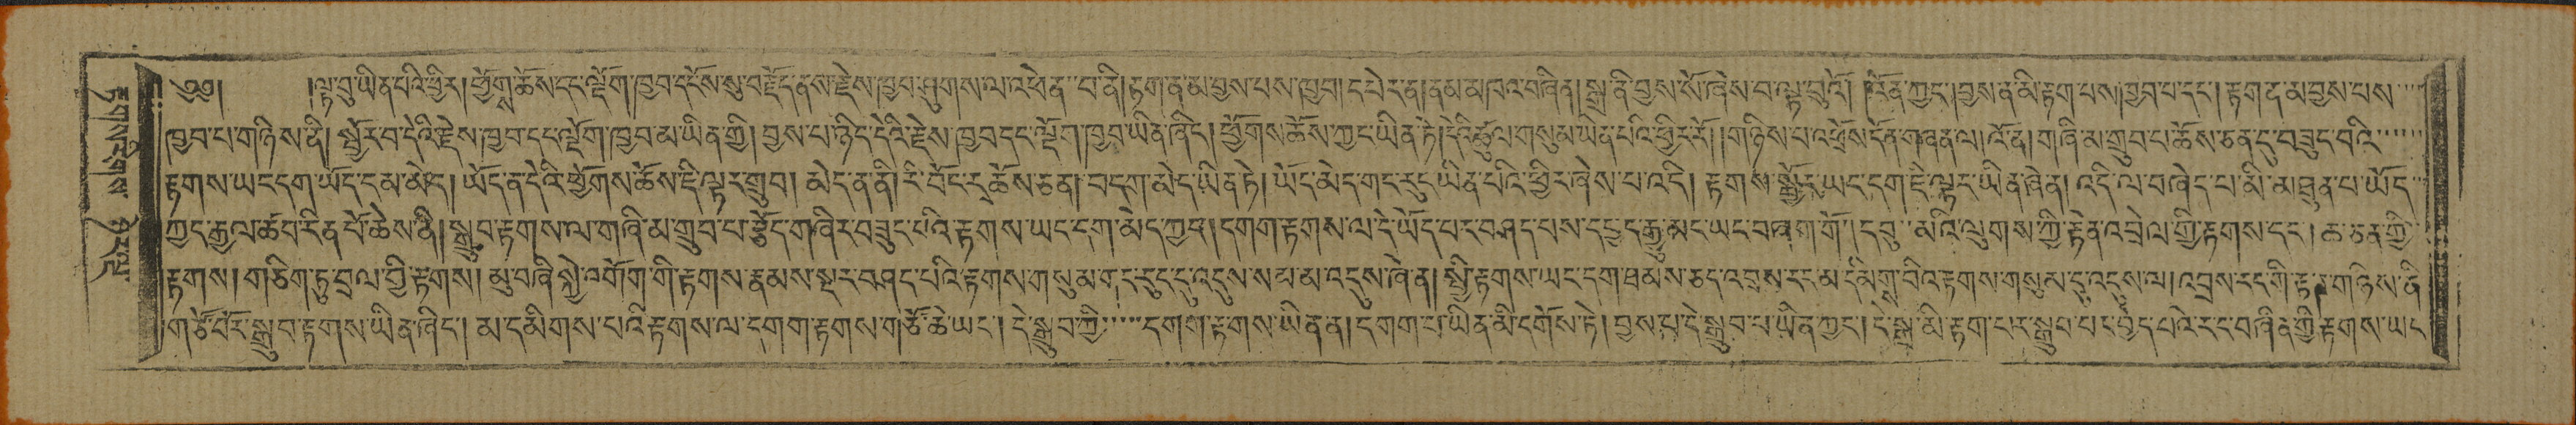༄༅། །ལྟ་བུ་ཡིན་པའི་ཕྱིར། ཕྱོགས་ཆོས་དང་ལྡོག་ཁྱབ་དངོས་སུ་བརྗོད་ནས་རྗེས་ཁྱབ་ཤུགས་ལ་འཕེན་བ་ནི། རྟག་ན་མ་བྱས་པས་ཁྱབ། དཔེར་ན། ནམ་མཁའ་བཞིན། སྒྲ་ནི་བྱས་སོ་ཞེས་བ་ལྟ་བུའོ། །འོན་ཀྱང་། བྱས་ན་མི་རྟག་པས་ཁྱབ་པ་དང་། རྟག་ན་མ་བྱས་པས་
ཁྱབ་པ་གཉིས་ནི། སྦྱོར་བ་དེའི་རྗེས་ཁྱབ་དང་ལྡོག་ཁྱབ་མ་ཡིན་གྱི། བྱས་པ་ཉིད་དེའི་རྗེས་ཁྱབ་དང་ལྡོག་ཁྱབ་ཡིན་ཞིང་། ཕྱོགས་ཆོས་ཀྱང་ཡིན་ཏེ། དེའི་ཚུལ་གསུམ་ཡིན་པའི་ཕྱིར་རོ། །གཉིས་པ་འཕྲོས་དོན་གཞན་ལ། འོ་ན། གཞི་མ་གྲུབ་པ་ཆོས་ཅན་དུ་བཟུང་བའི་
རྟགས་ཡང་དག་ཡོད་དམ་མེད། ཡོད་ན་དེའི་ཕྱོགས་ཆོས་ཇི་ལྟར་གྲུབ། མེད་ན་ནི། རི་བོང་རྭ་ཆོས་ཅན། བདག་མེད་ཡིན་ཏེ། ཡོད་མེད་གང་རུང་ཡིན་པའི་ཕྱིར་ཞེས་པ་འདི། རྟགས་སྦྱོར་ཡང་དག་ཇི་ལྟར་ཡིན་ཞེ་ན། འདི་ལ་བཞེད་པ་མི་མཐུན་པ་ཡོད་
ཀྱང་རྒྱལ་ཚབ་རིན་པོ་ཆེས་ནི། སྒྲུབ་རྟགས་ལ་གཞི་མ་གྲུབ་པ་རྩོད་གཞིར་བཟུང་བའི་རྟགས་ཡང་དག་མེད་ཀྱང་། དགག་རྟགས་ལ་དེ་ཡོད་པར་བཤད་པས་དཔྱད་རྒྱུ་མང་ཡང་བཞག་གོ །དབུ་མའི་ལུགས་ཀྱི་རྟེན་འབྲེལ་གྱི་རྟགས་དང་། ཆ་ཅན་གྱི་
རྟགས། གཅིག་ཏུ་བྲལ་གྱི་རྟགས། མུ་བཞི་སྐྱེ་འགོག་གི་རྟགས་རྣམས་སྔར་བཤད་པའི་རྟགས་གསུམ་གང་རུང་དུ་འདུས་སམ་མ་འདུས་ཞེ་ན། སྤྱི་རྟགས་ཡང་དག་ཐམས་ཅད་འབྲས་རང་མ་དམིགས་པའི་རྟགས་གསུམ་དུ་འདུས་ལ། འབྲས་རང་གི་རྟགས་?་གཉིས་ནི་
གཙོ་བོར་སྒྲུབ་རྟགས་ཡིན་ཞིང་། མ་དམིགས་པའི་རྟགས་ལ་དགག་རྟགས་གཙོ་ཆེ་ཡང་། དེ་སྒྲུབ་ཀྱི་དགག་རྟགས་ཡིན་ན། དགག་པ་ཡིན་མི་དགོས་ཏེ། བྱས་པ་དེ་སྒྲུབ་པ་ཡིན་ཀྱང་། དེ་སྒྲ་མི་རྟག་པར་སྒྲུབ་པར་བྱེད་པའི་རང་བཞིན་གྱི་རྟགས་ཡང་